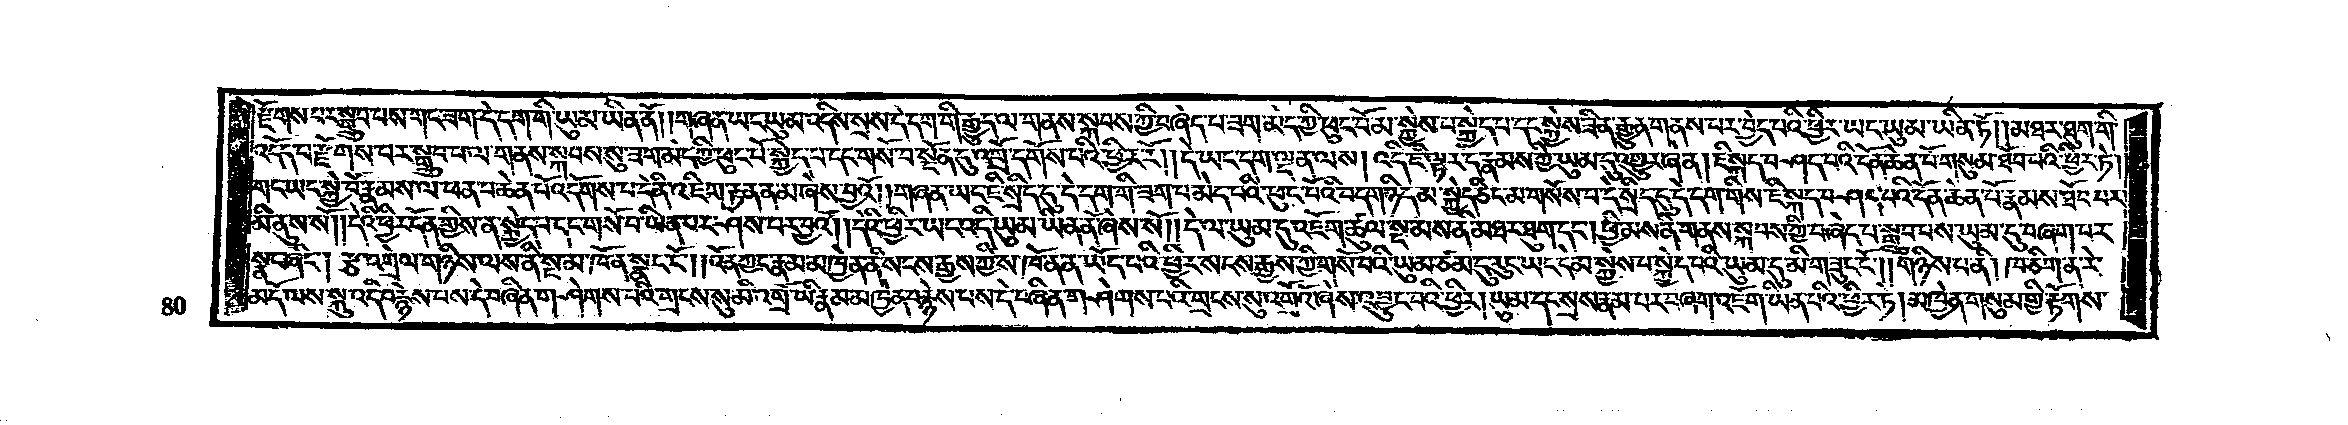རྫོགས་པར་སྒྲུབ་པས་གང་ཟག་དེ་དག་གི་ཡུམ་ཡིན་ནོ། །གཞན་ཡང་ཡུམ་འདིས་སྲས་དེ་དག་གི་རྒྱུད་ལ་གནས་སྐབས་ཀྱི་བཞེད་པ་ཟག་མེད་ཀྱི་ཕུང་པོ་མ་སྐྱེས་པ་སྐྱེད་པ་དང་སྐྱེས་ཟིན་རྒྱུན་གནས་པར་བྱེད་པའི་ཕྱིར་ཡང་ཡུམ་མ་ཡིན་ཏོ། །མཐར་ཐུག་གི་
འདོད་པ་རྫོགས་པར་སྒྲུབ་པ་ལ་གནས་སྐབས་སུ་ཟག་མེད་ཀྱི་ཕུང་པོ་སྐྱེད་པ་དང་གསོ་བ་སྔོན་དུ་འགྲོ་དགོས་པའི་ཕྱིར་རོ། །དེ་ཡང་དག་ལྡན་ལས། འདི་ཇི་ལྟར་དེ་རྣམས་ཀྱི་ཡུམ་དུ་འགྱུར་ཞེ་ན། ཇི་སྐད་བཤད་པའི་དོན་ཆེན་པོ་གསུམ་ཐོབ་པའི་ཕྱིར་ཏེ།
གང་ཡང་སྐྱེ་བོ་རྣམས་ལ་ཕན་པ་ཆེན་པོ་འདོགས་པ་དེ་ནི་འཇིག་རྟེན་ན་མ་ཞེས་བྱའོ། །གཞན་ཡང་ཇི་སྲིད་དུ་དེ་དག་གི་ཟག་པ་མེད་པའི་ཕུང་པོའི་བདག་ཉིད་མ་སྐྱེད་ཅིང་མ་གསོས་པ་དེ་སྲིད་དུ་དེ་དག་གིས་ཇི་སྐད་བཤད་པའི་དོན་ཆེན་པོ་རྣམས་ཐོབ་པར་
མི་ནུས་སོ། །དེའི་ཕྱིར་དོན་གྱིས་ན་སྐྱེད་པ་དང་གསོ་བ་ཡིན་པར་ཤེས་པར་བྱའོ། །དེའི་ཕྱིར་ཡང་འདི་ཡུམ་ཡིན་ནོ་ཞེས་སོ། །དེ་ལ་ཡུམ་དུ་འཇོག་ཚུལ་སྔ་མས་ནི་མཐར་ཐུག་དང་། ཕྱི་མས་ནི་གནས་སྐབས་ཀྱི་བཞེད་པ་སྒྲུབ་པས་ཡུམ་དུ་བཞག་པར་
སྣང་ཞིང་། རྩ་འགྲེལ་གཉིས་ལས་ནི་སྔ་མ་ཁོ་ན་སྣང་ངོ། །འོན་ཀྱང་རྣམ་མཁྱེན་ནི་སངས་རྒྱས་ཀྱི་ས་ཁོ་ན་ན་ཡོད་པའི་ཕྱིར་སངས་རྒྱས་ཀྱི་གསོ་བའི་ཡུམ་ཙམ་དུ་རུང་ཡང་དེ་མ་སྐྱེས་པ་སྐྱེད་པའི་ཡུམ་དུ་མི་གཟུང་ངོ། །གཉིས་པ་ནི། ཁ་ཅིར་ན་རེ་
མདོ་ལས་སྐུ་འདི་བརྙེས་པས་དེ་བཞིན་གཤེགས་པའི་གྲངས་སུ་མི་འགྲོ་ཡི་རྣམ་མཁྱེན་བརྙེས་པས་དེ་བཞིན་གཤེགས་པའི་གྲངས་སུ་འགྲོའི་ཞེས་འབྱུང་བའི་ཕྱིར། ཡུམ་དང་སྲས་རྣམ་པར་བཞག་འཇོག་ཡིན་པའི་ཕྱིར་ཏེ། མཁྱེན་གསུམ་གྱི་རྟོགས་